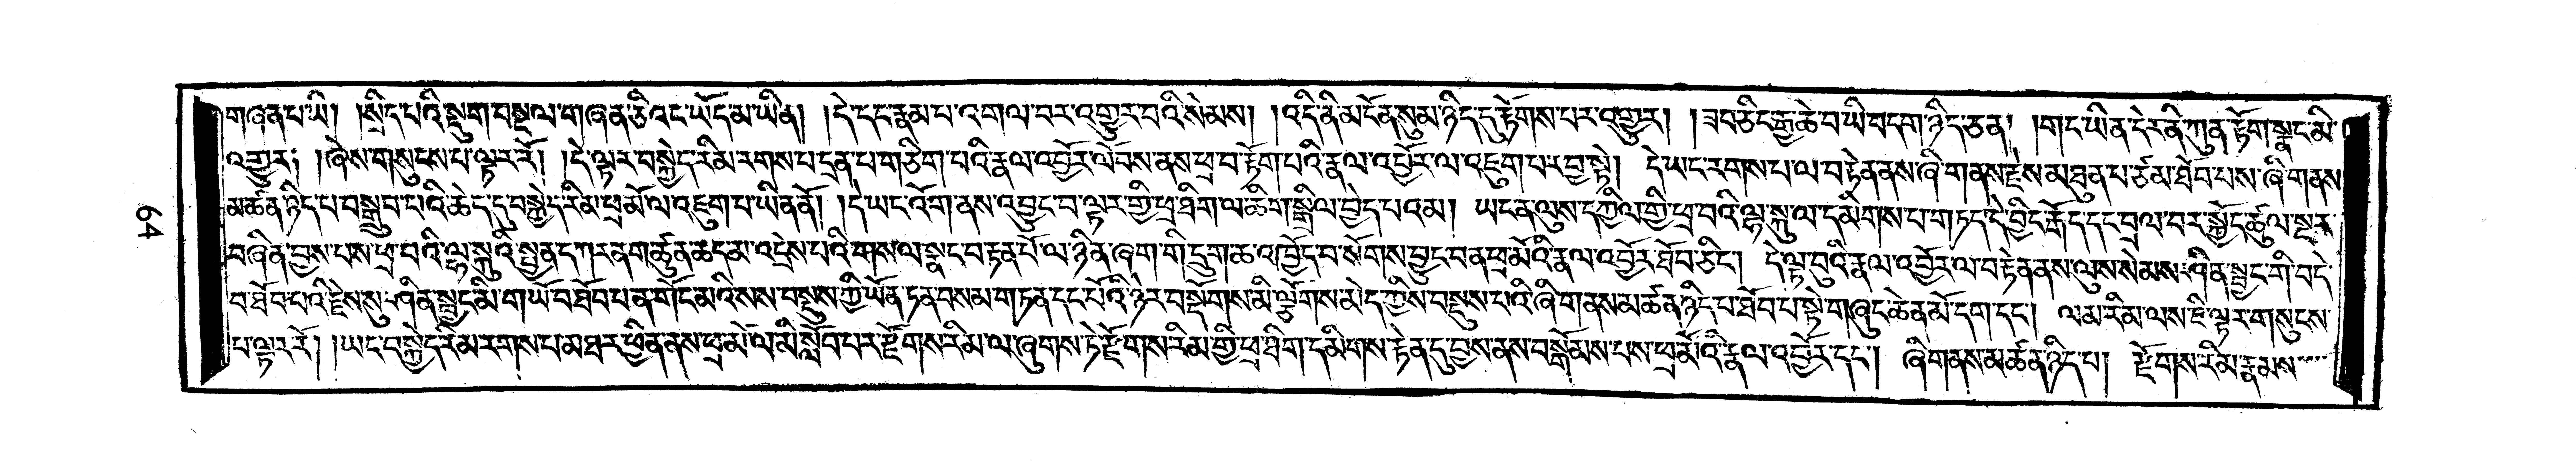གཞན་པ་ཡི། །སྲིད་པའི་སྡུག་བསྔལ་གཞན་ཅིའང་ཡོད་མ་ཡིན། །དེ་དང་རྣམ་པ་འགལ་བར་འགྱུར་བའི་སེམས། །འདི་ནི་མངོན་སུམ་ཉིད་དུ་རྟོགས་པར་འགྱུར། །ཟབ་ཅིང་རྒྱ་ཆེ་བ་ཡི་བདག་ཉིད་ཅན། །གང་ཡིན་དེར་ནི་ཀུན་རྟོག་སྣང་མི་
འགྱུར། །ཞེས་གསུངས་པ་ལྟར་རོ། །དེ་ལྟར་བསྐྱེད་རིམ་རགས་པ་དྲན་པ་གཅིག་པའི་རྣལ་འབྱོར་ལ་ལོབས་ནས་ཕྲ་བ་རྟོག་པའི་རྣལ་འབྱོར་ལ་འཇུག་པར་བྱ་སྟེ། དེ་ཡང་རགས་པ་ལ་བརྟེན་ནས་ཞི་གནས་རྗེས་མཐུན་པ་ཙམ་ཐོབ་པས་ཞི་གནས་
མཚན་ཉིད་པ་བསྒྲུབ་པའི་ཆེད་དུ་བསྐྱེད་རིམ་ཕྲ་མོ་ལ་འཇུག་པ་ཡིན་ནོ། །དེ་ཡང་འོག་ནས་འབྱུང་བ་ལྟར་གྱི་ཕྲ་ཐིག་ལ་ཚིག་དྲིལ་བྱེད་པའམ། ཡང་ན་ལུས་དཀྱིལ་གྱི་ཕྲ་བའི་ལྷ་སྐུ་ལ་དམིགས་པ་གཏད་དེ་བྱིང་རྒོད་དང་བྲལ་བར་སྐྱོང་ཚུལ་སྔར་
བཞིན་བྱས་པས་ཕྲ་བའི་ལྷ་སྐུའི་སྤྱན་དཀར་ནག་ཚུན་ཆད་མ་འདྲེས་པའི་གསལ་སྣང་བརྟན་པོ་ལ་ཉིན་ཞག་གི་དྲུག་ཆ་འཁྱོང་བ་སོགས་བྱུང་བ་ན་ཕྲ་མོའི་རྣལ་འབྱོར་ཐོབ་ཅིང་། དེ་ལྟ་བུའི་རྣལ་འབྱོར་ལ་བརྟེན་ནས་ལུས་སེམས་ཤིན་སྦྱང་ཀྱི་བདེ་
བ་ཐོབ་པའི་རྗེས་སུ་ཤིན་སྤྱངས་མི་གཡོ་བ་ཐོབ་པ་ན་གོང་མའི་སས་བསྡུས་ཀྱི་ཡོན་ཏན་བསམ་གཏན་དང་པོའི་ཉེར་བསྔོགས་མི་ལྕོགས་མེད་ཀྱིས་བསྡུས་པའི་ཞི་གནས་མཚན་ཉིད་པ་ཐོབ་པ་སྟེ་གཞུང་ཆེན་མོ་དག་དང་། ལམ་རིམ་ལས་ཇི་ལྟར་གསུངས་
པ་ལྟར་རོ། །ཡང་བསྐྱེད་རིམ་རགས་པ་མཐར་ཕྱིན་ནས་ཕྲ་མོ་ལ་མི་སློབ་པར་རྫོགས་རིམ་ལ་ཞུགས་ཏེ་རྫོགས་རིམ་གྱི་ཕྲ་ཐིག་དམིགས་རྟེན་དུ་བྱས་ནས་བསྒོམས་པས་ཕྲ་མོའི་རྣལ་འབྱོར་དང་། ཞི་གནས་མཚན་ཉིད་པ། རྫོགས་རིམ་རྣམས་